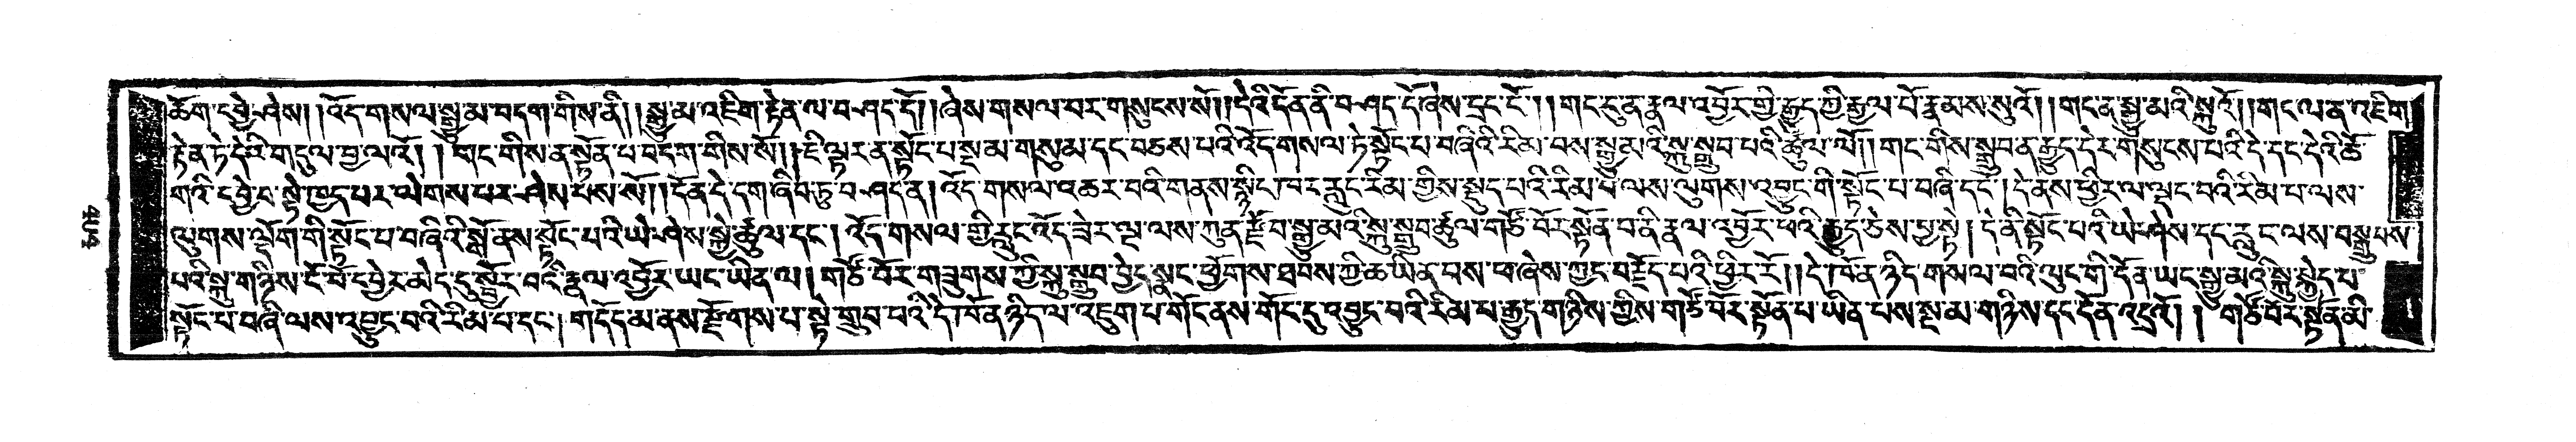ཆོག་དབྱེ་ཤེས། །འོད་གསལ་སྒྱུ་མ་བདག་གིས་ནི། །སྒྱུ་མ་འཇིག་རྟེན་ལ་བཤད་དོ། །ཞེས་གསལ་བར་གསུངས་སོ། །དེའི་དོན་ནི་བཤད་དོ་ཞེས་དྲང་ངོ། །གང་དུ་ན་རྣལ་འབྱོར་གྱི་རྒྱུད་ཀྱི་རྒྱལ་པོ་རྣམས་སུའོ། །གང་ན་སྒྱུ་མའི་སྐུའོ། །གང་ལ་ན་འཇིག་
རྟེན་ཏེ་དེའི་གདུལ་བྱ་ལའོ། །གང་གིས་ན་སྟོན་པ་བདག་གིས་སོ། །ཇི་ལྟར་ན་སྟོང་པ་སྔ་མ་གསུམ་དང་བཅས་པའི་འོད་གསལ་ཏེ་སྟོང་པ་བཞིའི་རིམ་པས་སྒྱུ་མའི་སྐུ་སྒྲུབ་པའི་ཚུལ་ལོ། །གང་གིས་སྒྲུབ་ན་རྒྱུད་དེར་གསུངས་པའི་དེ་དང་དེའི་ཆོ་
གའི་དབྱེ་བ་སྟེ་ཁྱད་པར་ལེགས་པར་ཤེས་པས་སོ། །དོན་དེ་དག་ཞིབ་ཏུ་བཤད་ན། འོད་གསལ་འཆར་བའི་གནས་སྙིང་ཁར་རླུང་རིམ་གྱིས་སྡུད་པའི་རིམ་པ་ལས་ལུགས་འབྱུང་གི་སྟོང་པ་བཞི་དང་། དེ་ནས་ཕྱིར་ལ་ལྡང་བའི་རིམ་པ་ལས་
ལུགས་ལྡོག་གི་སྟོང་པ་བཞིའི་སྒོ་ནས་སྟོང་པའི་ཡེ་ཤེས་སྐྱེ་ཚུལ་དང་། འོད་གསལ་གྱི་རླུང་འོད་ཟེར་ལྔ་ལས་ཀུན་རྫོབ་སྒྱུ་མའི་སྐུ་སྒྲུབ་ཚུལ་གཙོ་བོར་སྟོན་པ་ནི་རྣལ་འབྱོར་པའི་རྒྱུད་ཅེས་བྱ་སྟེ། དེ་ནི་སྟོང་པའི་ཡེ་ཤེས་དང་རླུང་ལས་བསྒྲུབས་
པའི་སྐུ་གཉིས་ངོ་བོ་དབྱེར་མེད་དུ་སྦྱོར་བའི་རྣལ་འབྱོར་ཡང་ཡིན་ལ། གཙོ་བོར་གཟུགས་ཀྱི་སྐུ་སྒྲུབ་བྱེད་སྣང་ཕྱོགས་ཐབས་ཀྱི་ཆ་ཡིན་པས་ཕ་ཞེས་ཀྱང་བརྗོད་པའི་ཕྱིར་རོ། །དེ་ཁོ་ན་ཉིད་གསལ་བའི་ལུང་གི་དོན་ཡང་སྒྱུ་མའི་སྐུ་སྐྱེད་པ་
སྟོང་?་པ་བཞི་ལས་འབྱུང་བའི་རིམ་པ་དང་། གདོད་མ་ནས་རྫོགས་པ་སྟེ་གྲུབ་པའི་དེ་ཁོ་ན་ཉིད་ལ་འཇུག་པ་གོང་ནས་གོང་དུ་འབྱུང་བའི་རིམ་པ་རྒྱུད་གཉིས་ཀྱིས་གཙོ་བོར་སྟོན་པ་ཡིན་པས་སྔ་མ་གཉིས་དང་དོན་འདྲའོ། །གཙོ་བོར་སྟོན་མི་